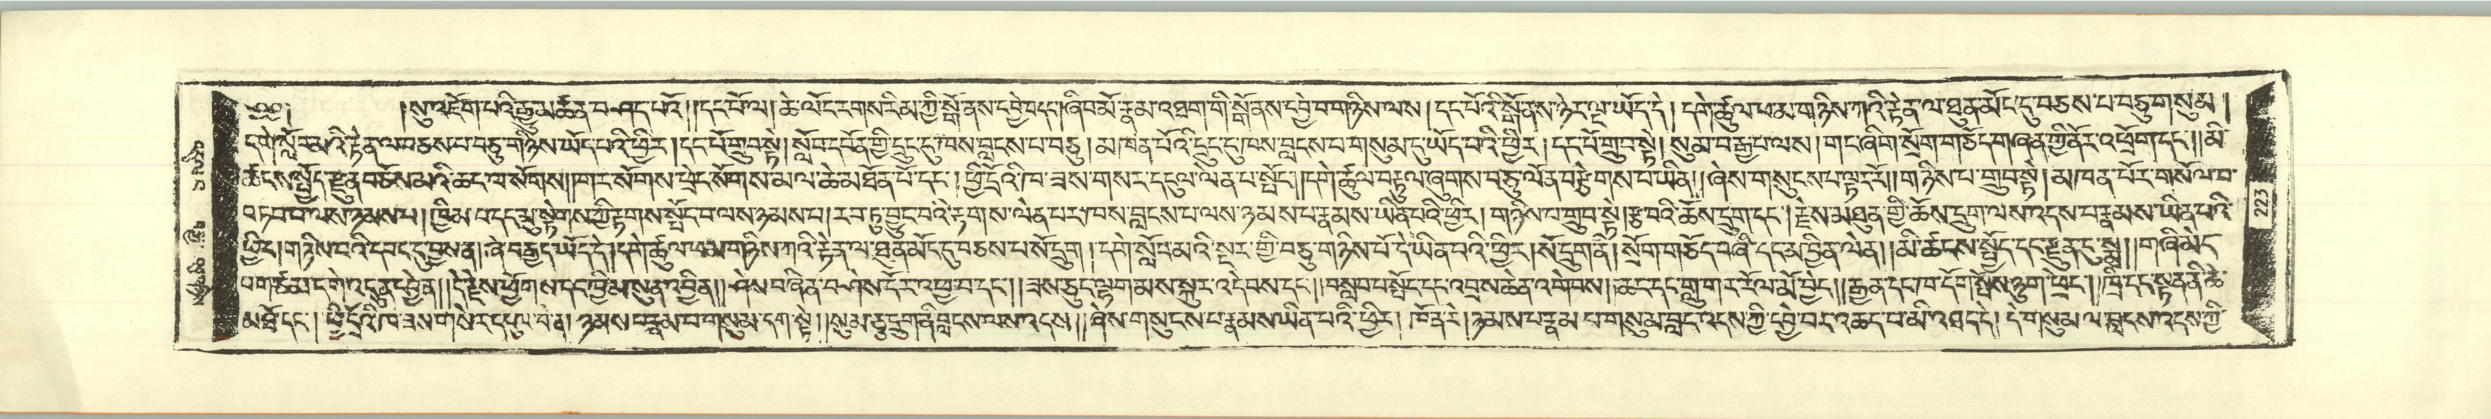༄༅། །སུ་འཇོག་པའི་རྒྱུ་མཚན་བཤད་པའོ། །དང་པོ་ལ། ཆེ་ལོང་རགས་རིམ་ཀྱི་སྒོ་ནས་དབྱེ་བ་དང་། ཞིབ་མོ་རྣམ་འཐག་གི་སྒོ་ནས་དབྱེ་བ་གཉིས་ལས། དང་པོའི་སྒོ་ནས་ཉེར་ལྔ་ཡོད་དེ། དགེ་ཚུལ་ཕ་མ་གཉིས་ཀའི་རྟེན་ལ་ཐུན་མོང་དུ་བཅས་པ་བཅུ་གསུམ།
དགེ་སློང་མའི་རྟེན་ལ་བཅས་པ་བཅུ་གཉིས་ཡོད་པའི་ཕྱིར། དང་པོ་གྲུབ་སྟེ། སློབ་དཔོན་གྱི་དྲུང་དུ་ཁས་བླངས་པ་བཅུ། མཁན་པོའི་དྲུང་དུ་ཁས་བླངས་པ་གསུམ་དུ་ཡོད་པའི་ཕྱིར། དང་པོ་གྲུབ་སྟེ། སུམ་བརྒྱ་པ་ལས། གང་ཞིག་སྲོག་གཅོད་གཞན་གྱི་ནོར་འཕྲོག་དང་། །མི་
ཚངས་སྤྱོད་རྫུན་བཅོས་མའི་ཆང་ལ་སོགས། །གར་སོགས་ཕྲེང་སོགས་མལ་ཆེ་མཐོན་པོ་དང་། ཕྱི་དྲོའི་ཁ་ཟས་གསར་དངུལ་ལེན་པ་སྤོང་། དགེ་ཚུལ་བརྟུལ་ཞུགས་བཅུ་ལོན་བརྩེགས་པ་ཡིན། །ཞེས་གསུངས་པ་ལྟར་རོ། །གཉིས་པ་གྲུབ་སྟེ། མཁན་པོར་གསོལ་བ་
བཏབ་པ་ལས་ཉམས་པ། ཁྱིམ་པ་དང་མུ་སྟེགས་ཀྱི་རྟགས་སྤོང་བ་ལས་ཉམས་པ། རབ་ཏུ་བྱུང་བའི་རྟགས་ལེན་པར་ཁས་བླངས་པ་ལས་ཉམས་པ་རྣམས་ཡིན་པའི་ཕྱིར། གཉིས་པ་གྲུབ་སྟེ། རྩ་བའི་ཆོས་དྲུག་དང་། རྗེས་མཐུན་གྱི་ཆོས་དྲུག་ལས་འདས་པ་རྣམས་ཡིན་པའི་
ཕྱིར། གཉིས་པའི་དབང་དུ་བྱས་ན། ཞེ་བརྒྱད་ཡོད་དེ། དགེ་ཚུལ་ཕམ་གཉིས་ཀའི་རྟེན་ལ་ཐུན་མོང་དུ་བཅས་པ་སོ་དྲུག །དགེ་སློབ་མའི་སྔར་གྱི་བཅུ་གཉིས་པོ་དེ་ཡིན་པའི་ཕྱིར། སོ་དྲུག་ནི། སྲོག་གཅོད་བཞི་དང་མ་བྱིན་ལེན། མི་ཚངས་སྤྱོད་དང་རྫུན་དུ་སྨྲ། །གཞི་མེད་
བག་ཙམ་དགེ་འདུན་དབྱེན། །དེ་རྗེས་ཕྱོགས་དང་ཁྱིམ་སུན་འབྱིན། །ཤེས་བཞིན་བཤེས་དོར་འཕྱ་བ་དང་། །ཟས་ཅུང་ལྷག་མས་སྐུར་འདེབས་དང་། །བསླབ་པ་སྤོང་དང་འབྲས་ཆེན་འགེབས། །ཆང་དང་གླུ་གར་རོལ་མོ་བྱེད། །རྒྱན་དང་ཁ་དོག་སྤོས་ཉུག་ཕྲེང་། ཁྲི་དང་སྟན་ནི་ཆེ་
མཐོ་དང་། ཕྱི་དྲོའི་ཁ་ཟས་གསེར་དངུལ་ལེན། ཉམས་པ་རྣམ་པ་གསུམ་དག་སྟེ། །སུམ་ཅུ་དྲུག་ནི་བླངས་ལས་འདས། །ཞེས་གསུངས་པ་རྣམས་ཡིན་པའི་ཕྱིར། ཁོ་ན་རེ། ཉམས་པ་རྣམ་པ་གསུམ་བླང་འདས་ཀྱི་དབྱེ་བར་འཆད་པ་མི་འཐད་དེ། དེ་གསུམ་ལ་བླངས་འདས་ཀྱི་